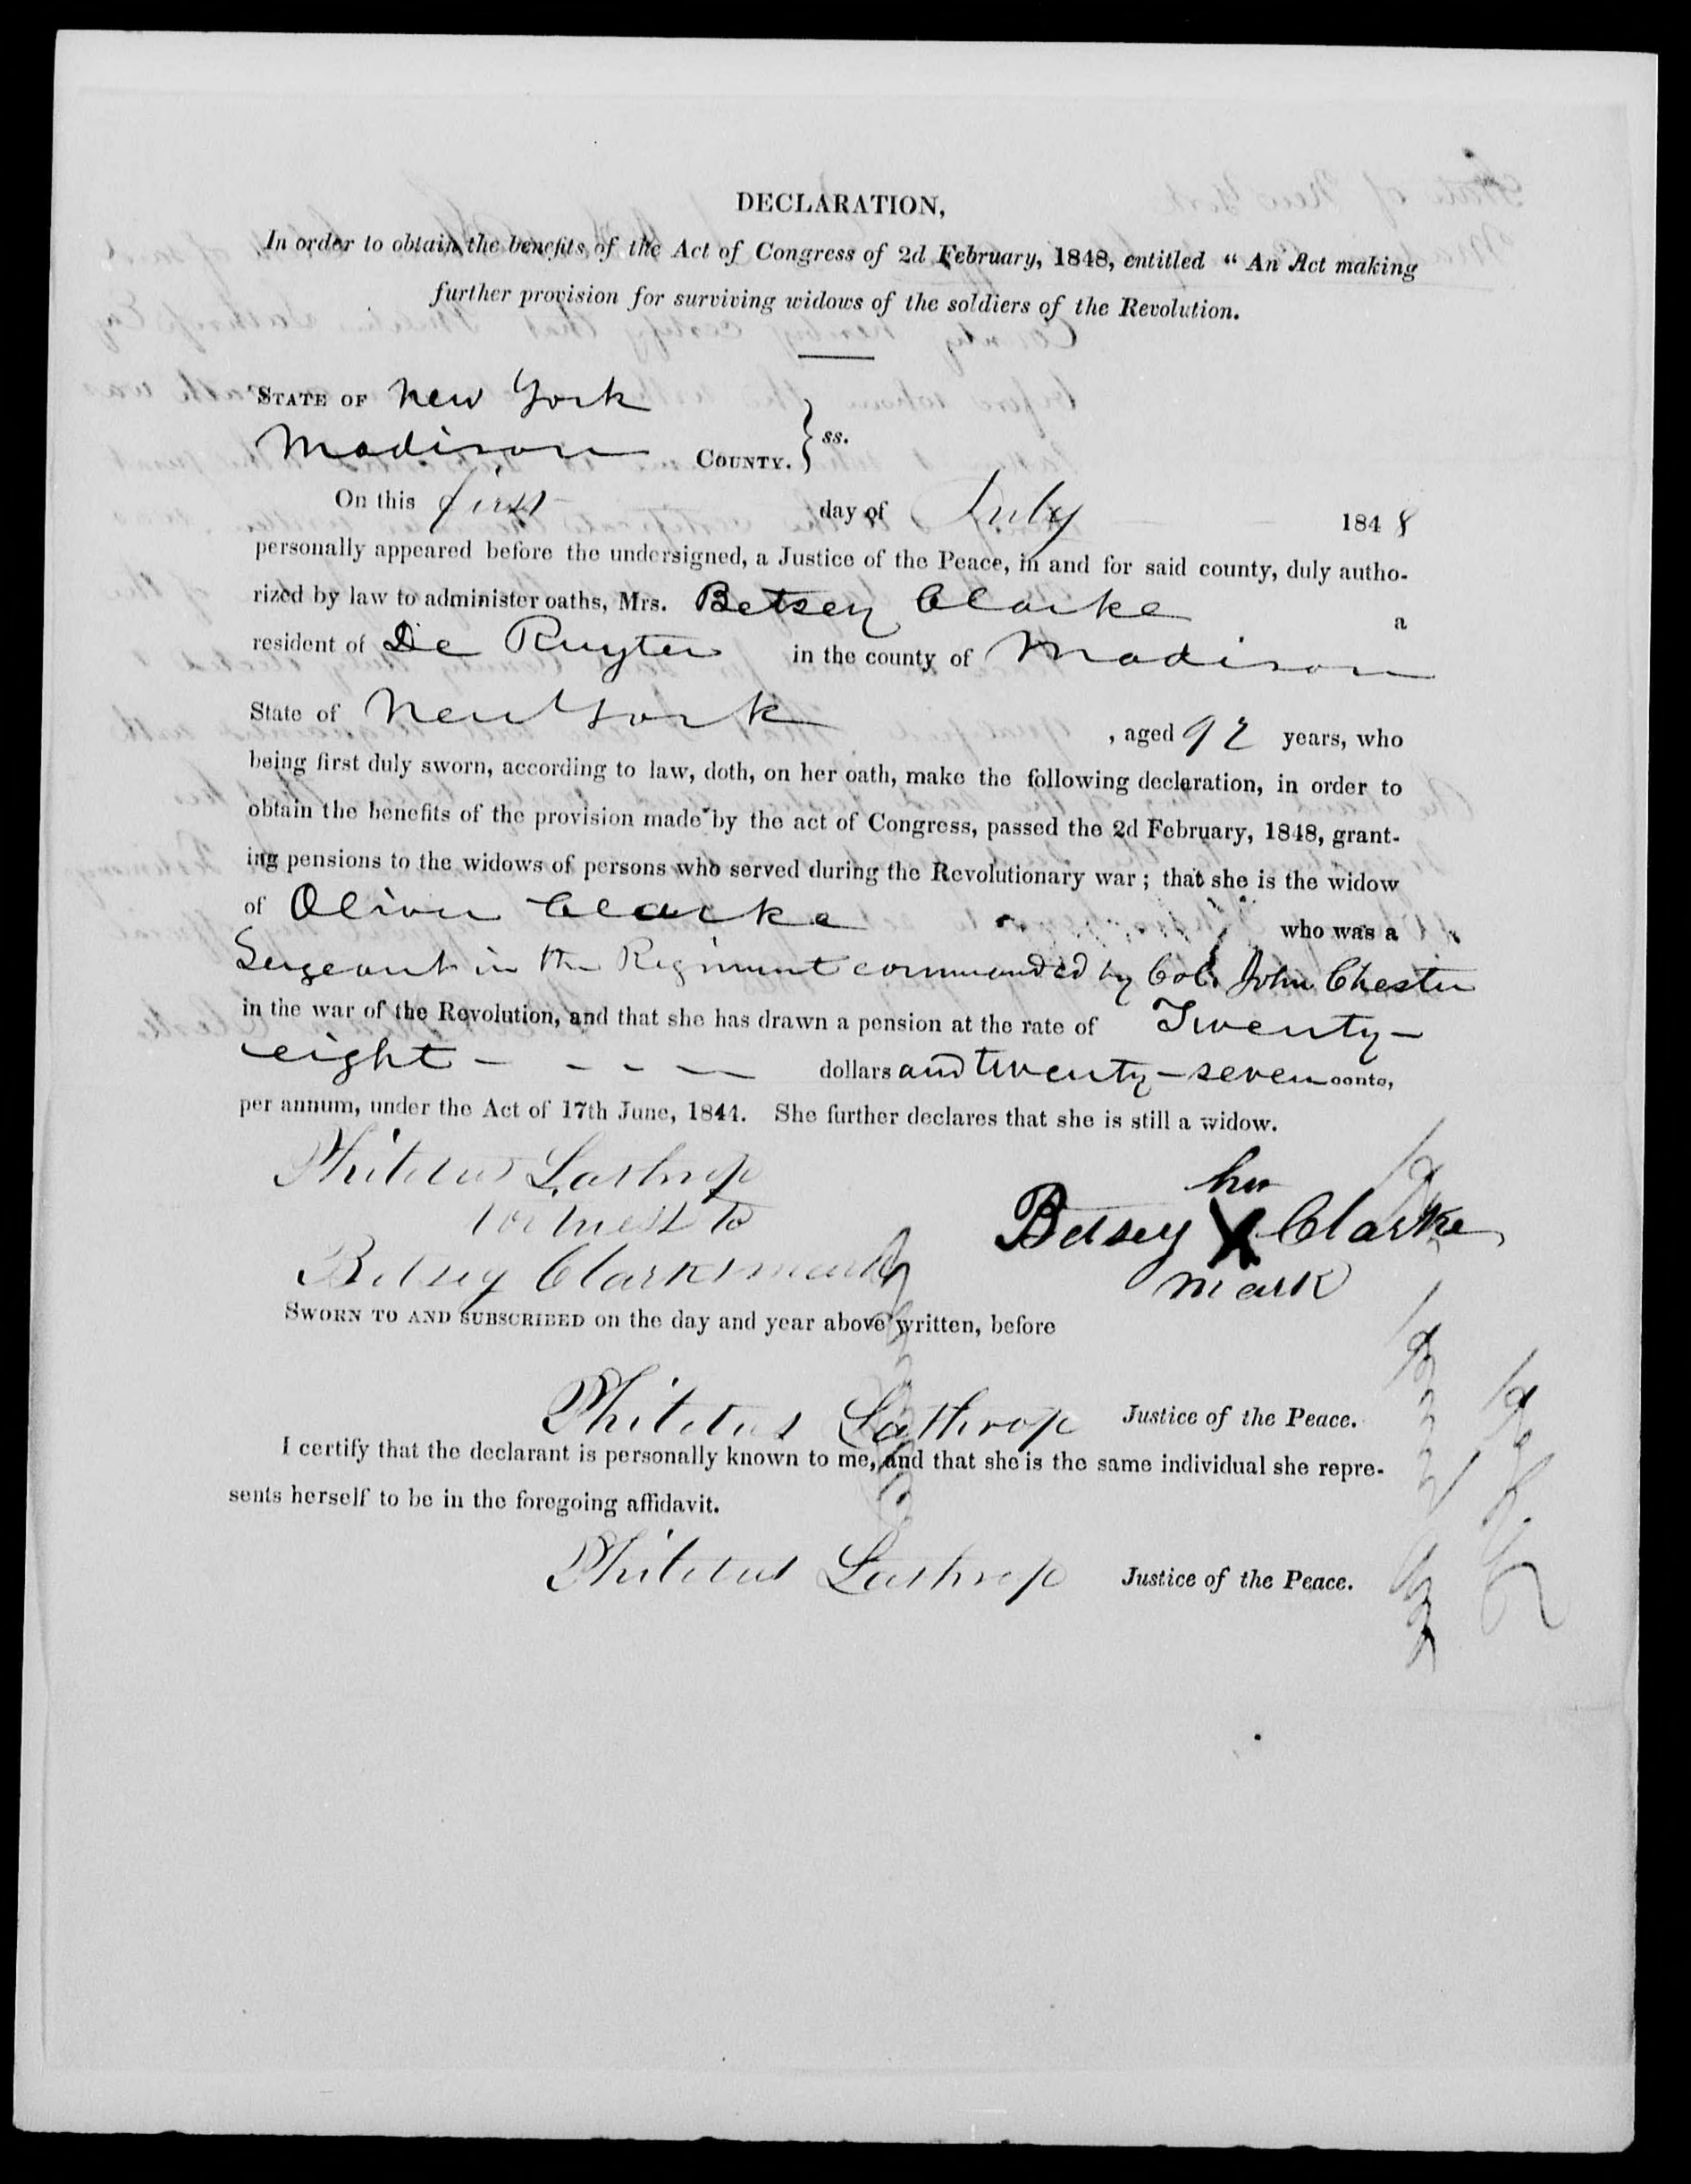[printed form completed in handwriting]
Declaration,
In order to obtain the benefits of the Act of Congress of 2d February, 1848, entitled “An Act making further provision for surviving widows of the soldiers of the Revolution.
State of New York
Madison County. } ss.
On this first day of July 1848 personally appeared before the undersigned, a Justice of the Peace, in and for said county, duly authorized by law to administer oaths, Mrs. Betsey Clarke a resident of DeRuyter in the county of Madison State of New York, aged 92 years, who being first duly sworn, according to law, doth, on her oath, make the following declaration, in order to obtain the benefits of the provision by the act of Congress, passed 2d February, 1848, granting pensions to the widows of persons who served during the Revolutionary war; that she is the widow of Oliver Clarke who was a Sergeant in the Regiment commanded by Col. John Chester in the war of the Revolution, and that she has drawn a pension at the rate of Twenty eight dollars and twenty-seven cents, per annum, under the Act of 17th June, 1841. She further declares that she is still a widow. 
[signed] Betsey Clarke “X” her mark
Philetus Lathrop
Witness to Betsey Clarkes mark
Sworn to and Subscribed on the day and year above written, before
Philetus Lathrop Justice of the Peace. 
I certify that the declarant is personally known to me, and that she is the same individual she represents herself to be in the foregoing affidavit.
[signed] Philetus Lathrop Justice of the Peace.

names: Betsey Clarke, Betsey Clark, Oliver Clarke, Philetus Lathrop, Betsey Clarke, Philetus Lathrop, Philetus Lathrop, John Chester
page: 38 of 51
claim: widow's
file: W. 23816, Oliver Clark, Conn.